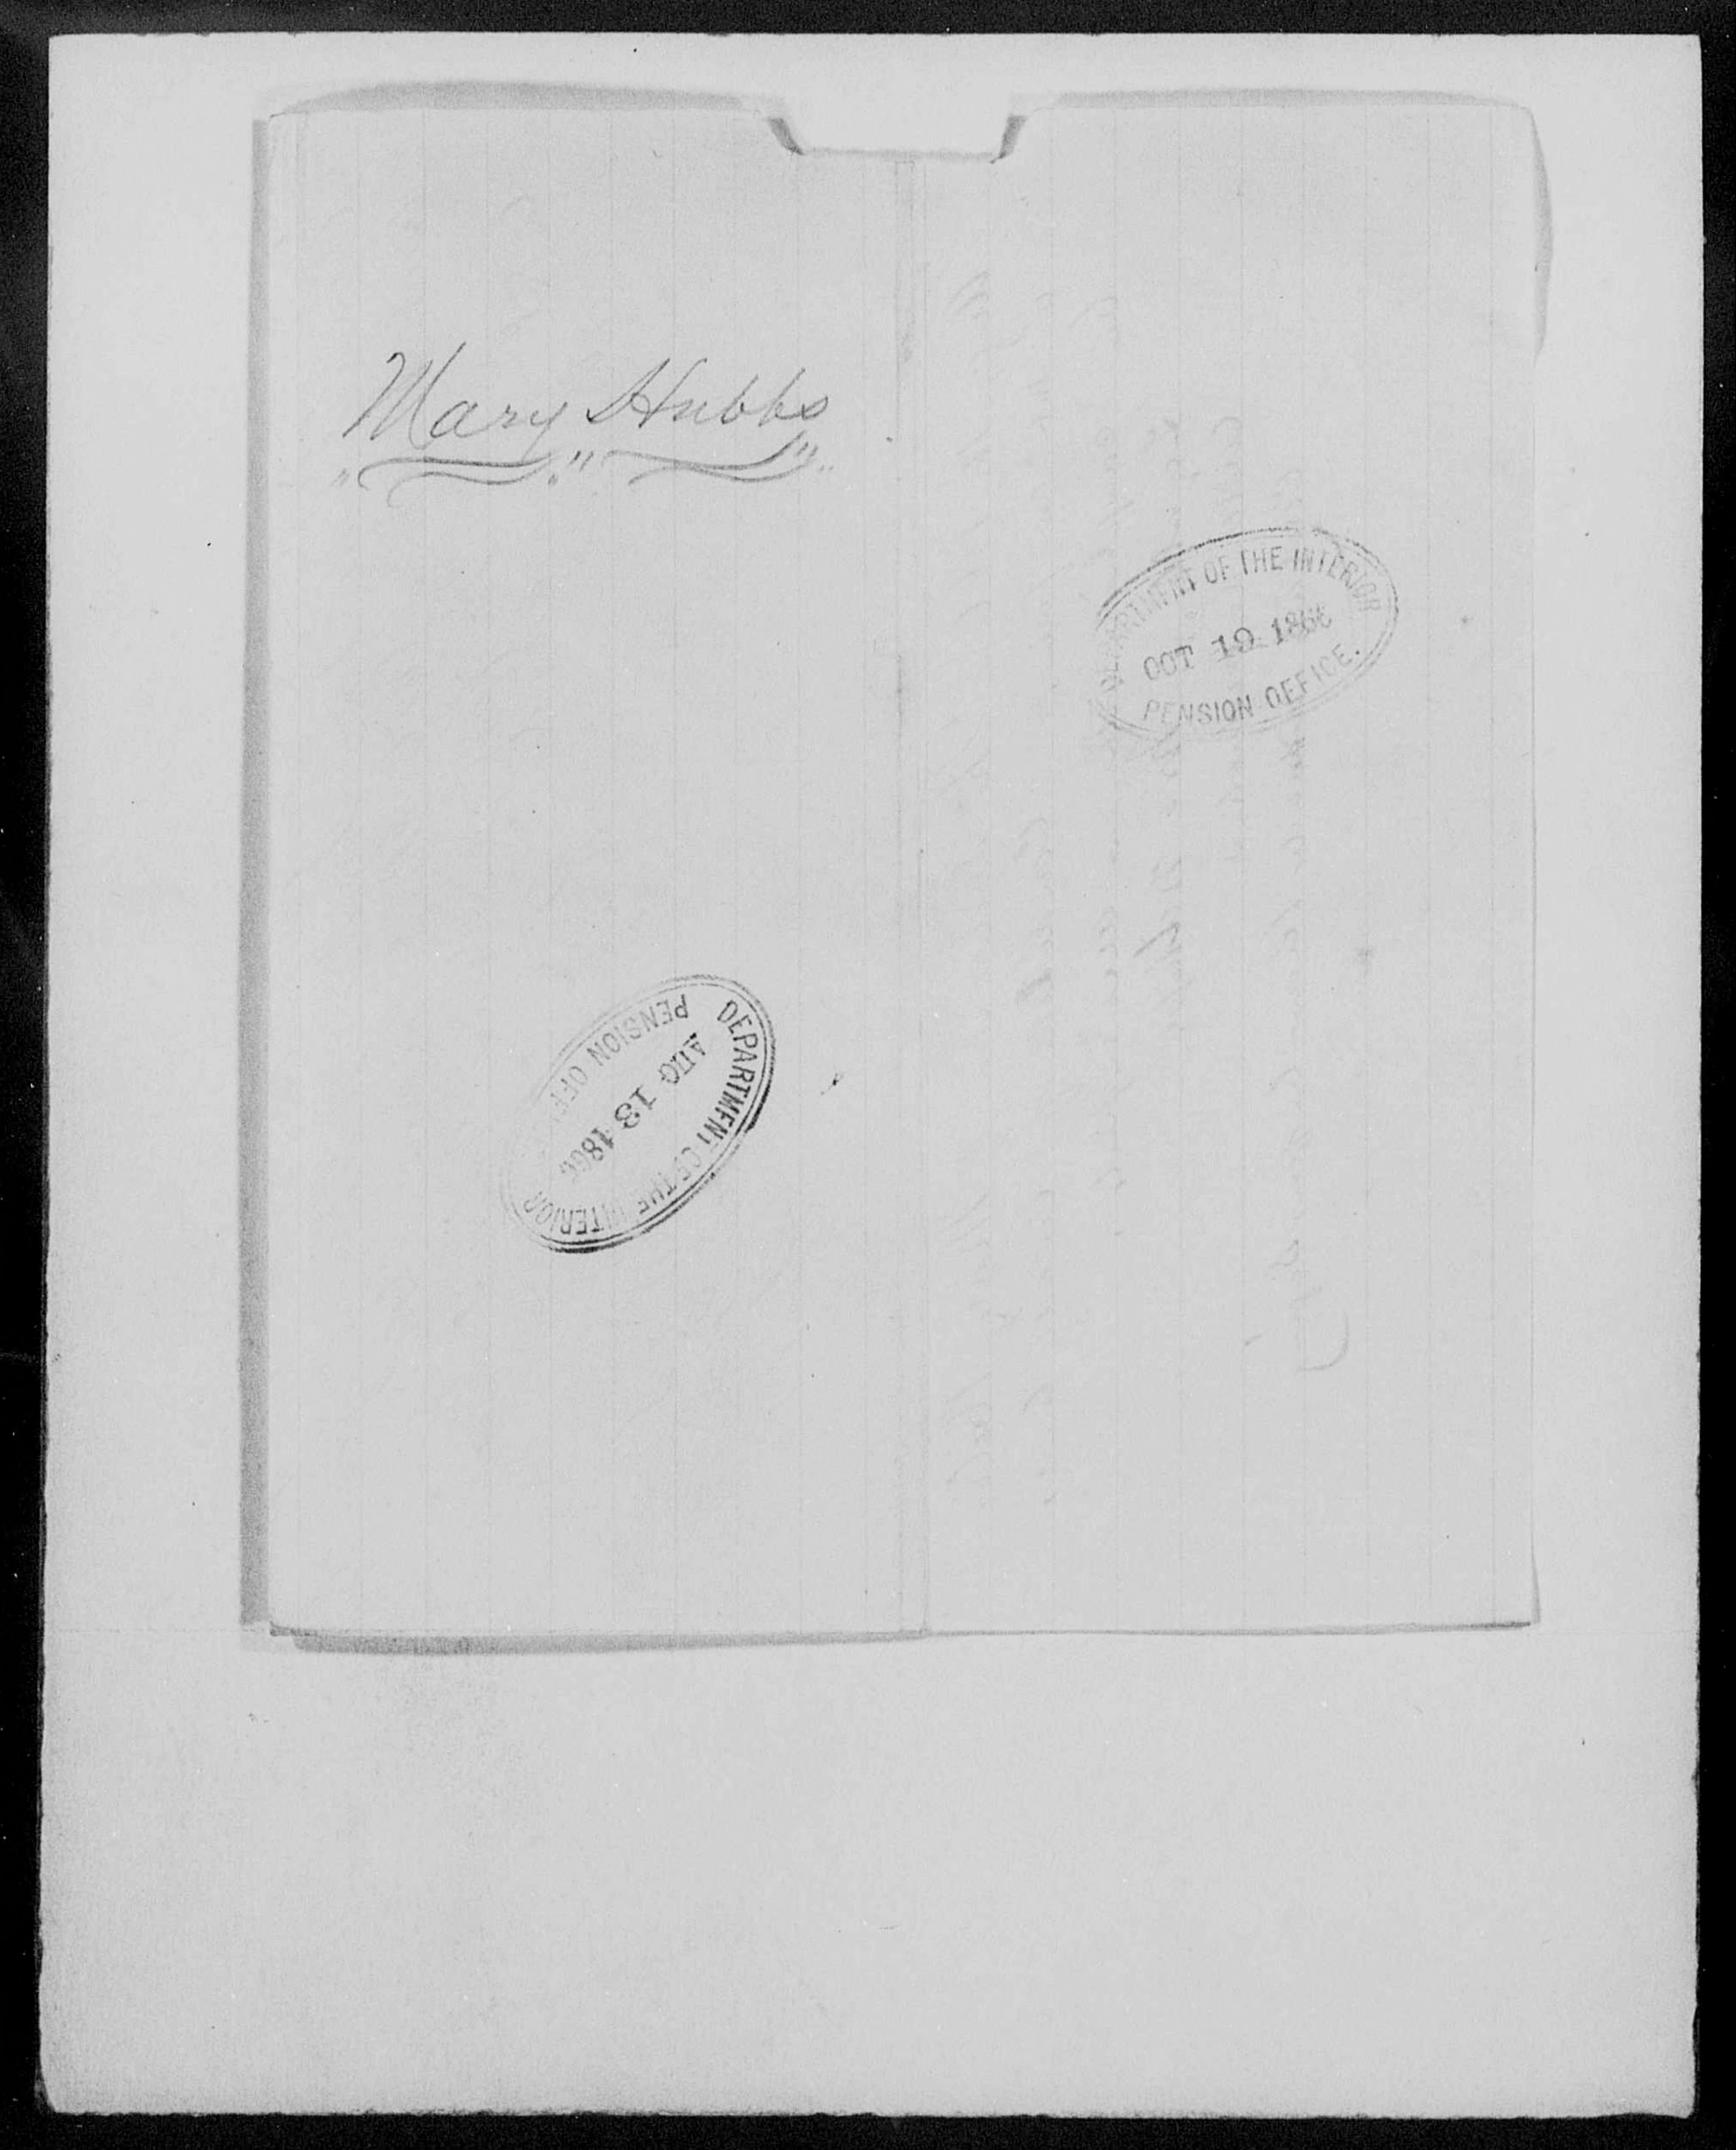Mary Hubbs

Stamp
DEPARTMENT OF THE INTERIOR

AUG 13 1866

PENSION OFFICE



Stamp
DEPARTMENT OF THE INTERIOR

Oct 19 1866

PENSION OFFICE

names: Mary Hubbs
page: 68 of 86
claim: widow's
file: W. 1035, John Hubbs, S.C.